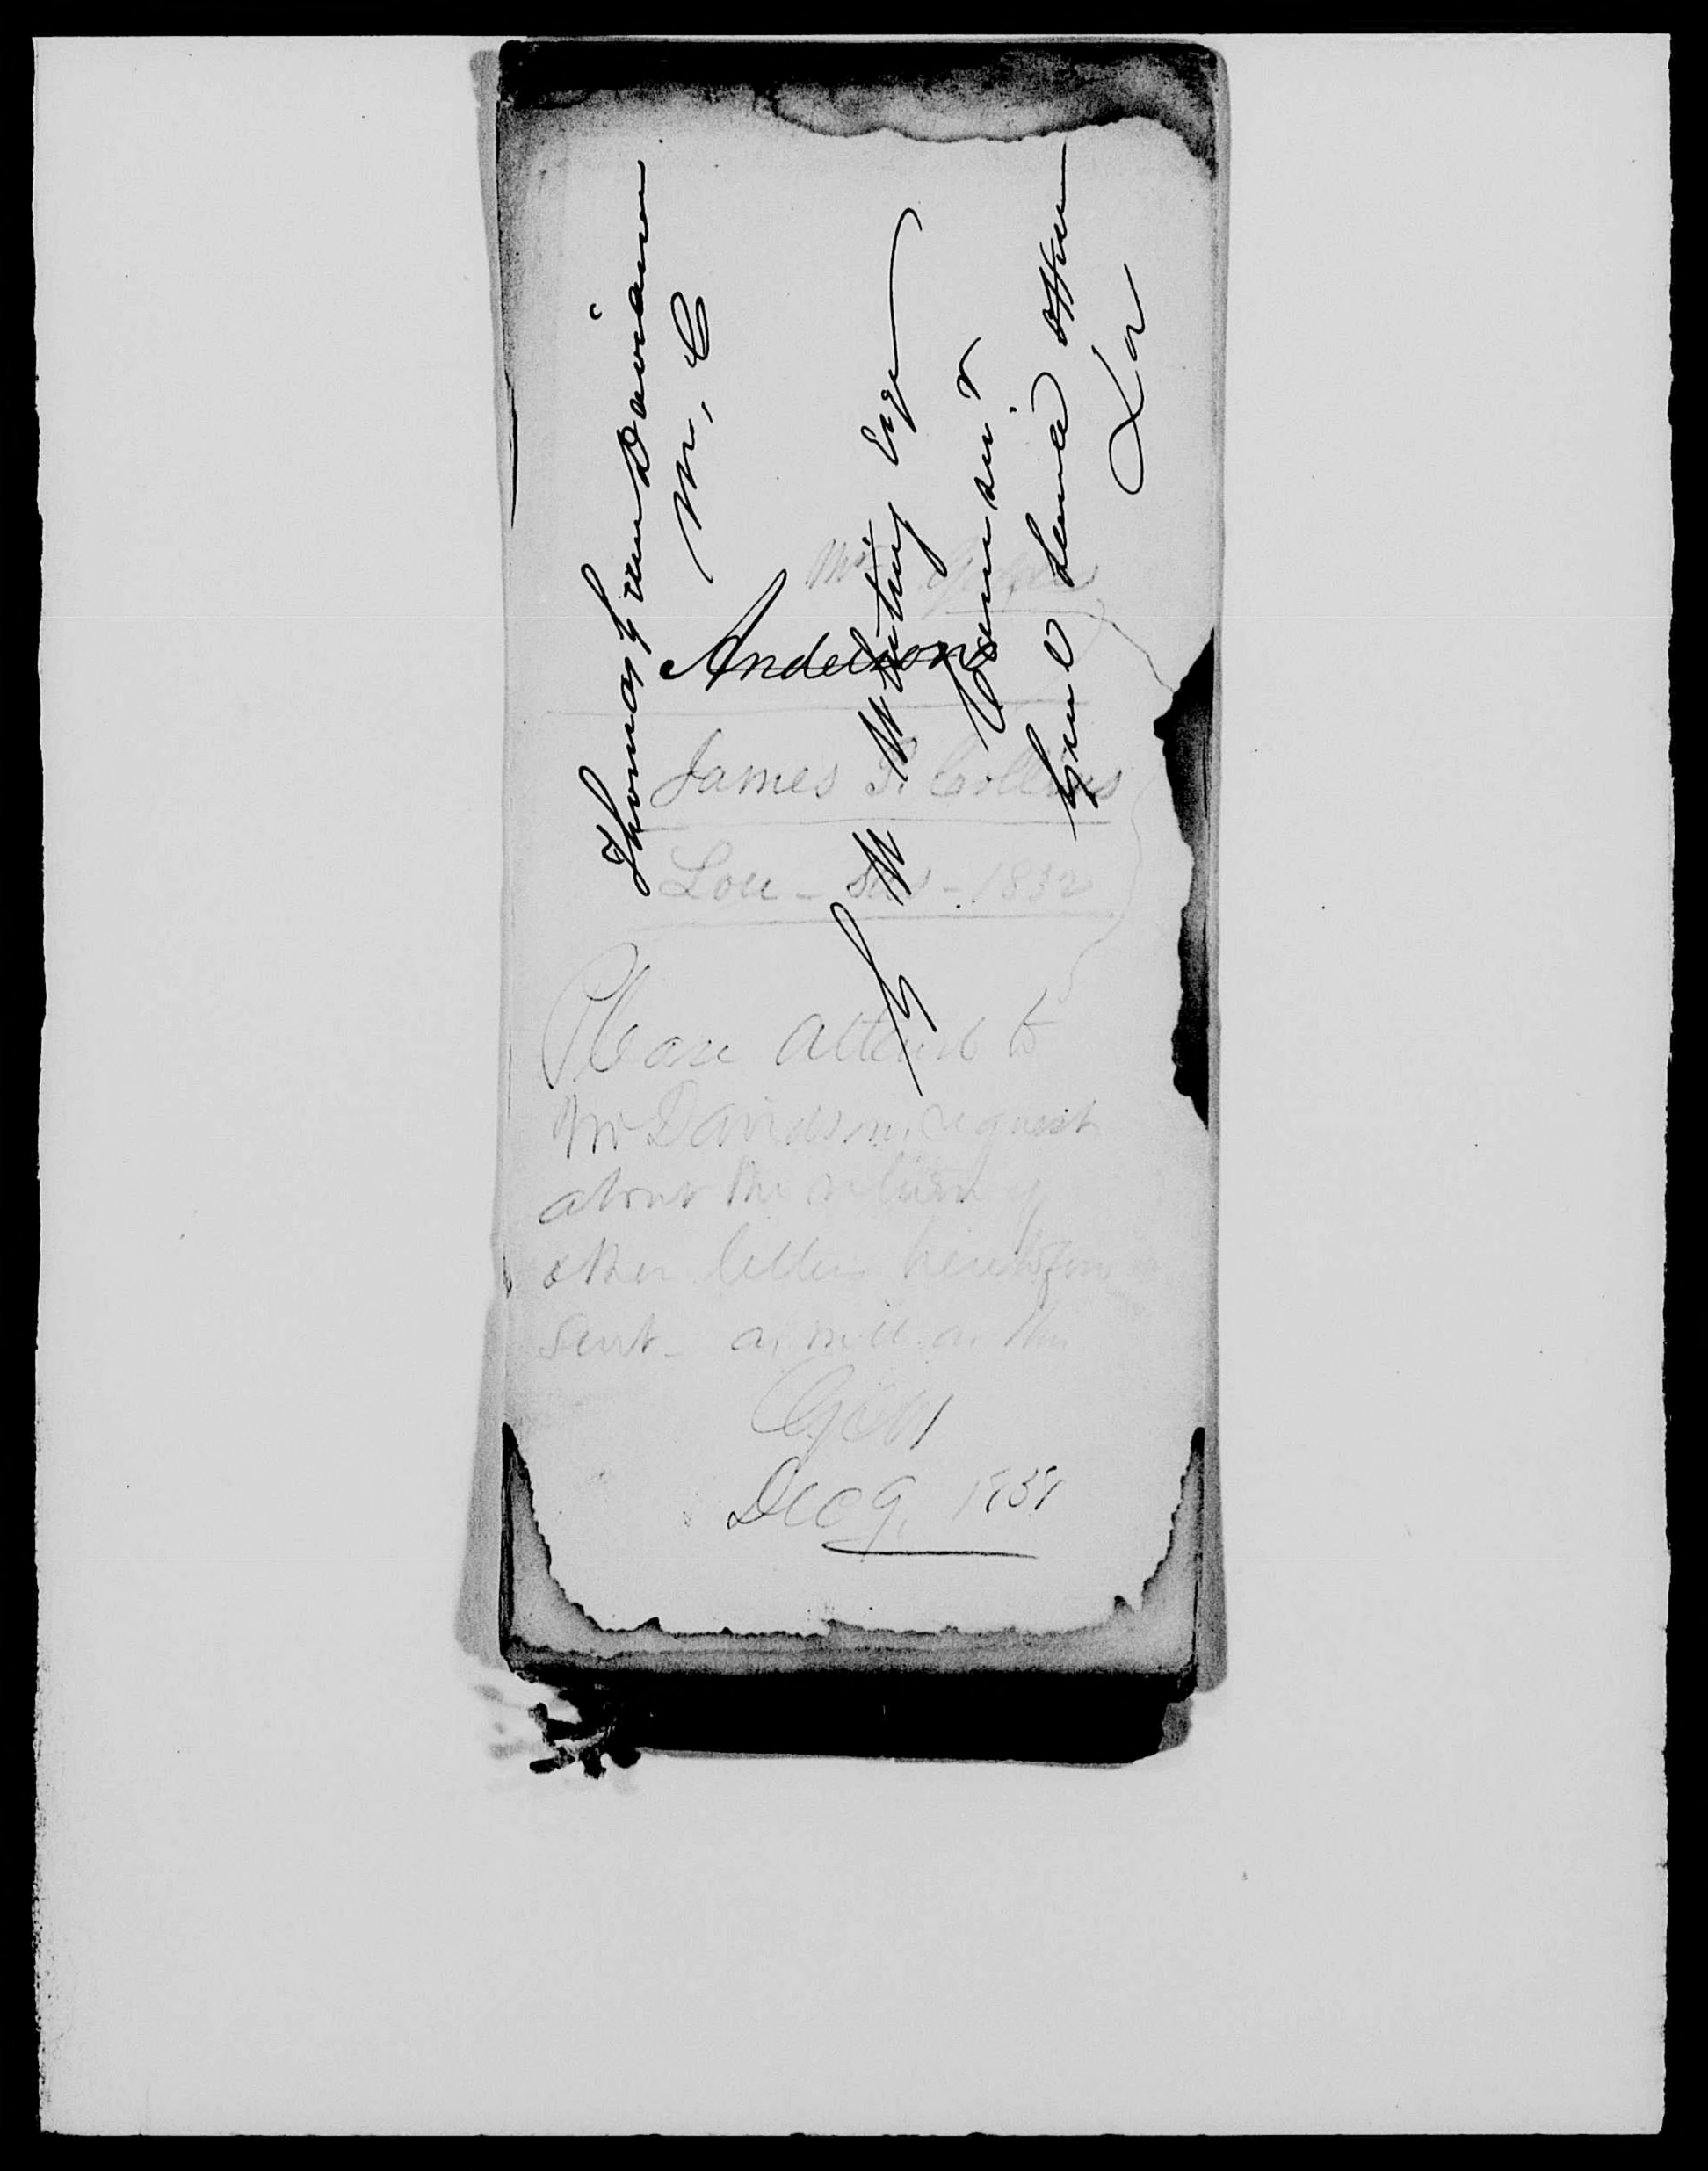Thomas Green Davidson
[illegible]
G M Whitney Esq
Com
Genl Pension Office 
La


[illegible]
___________
Anderson
_______________
 James.P. Collins
________________
 Lou - SUS - 1832
________________
Please att to
Mr Davidson request
about the [illegible]
other letters heretofore
Sent _ A [illegible]
GOW
Dec 9,1839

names: Gields, Davidson, Thomas Green Davidson, Anderson, G M Whitney, James P Collins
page: 41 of 48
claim: rejected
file: R. 2173, James P Collins, S. C.